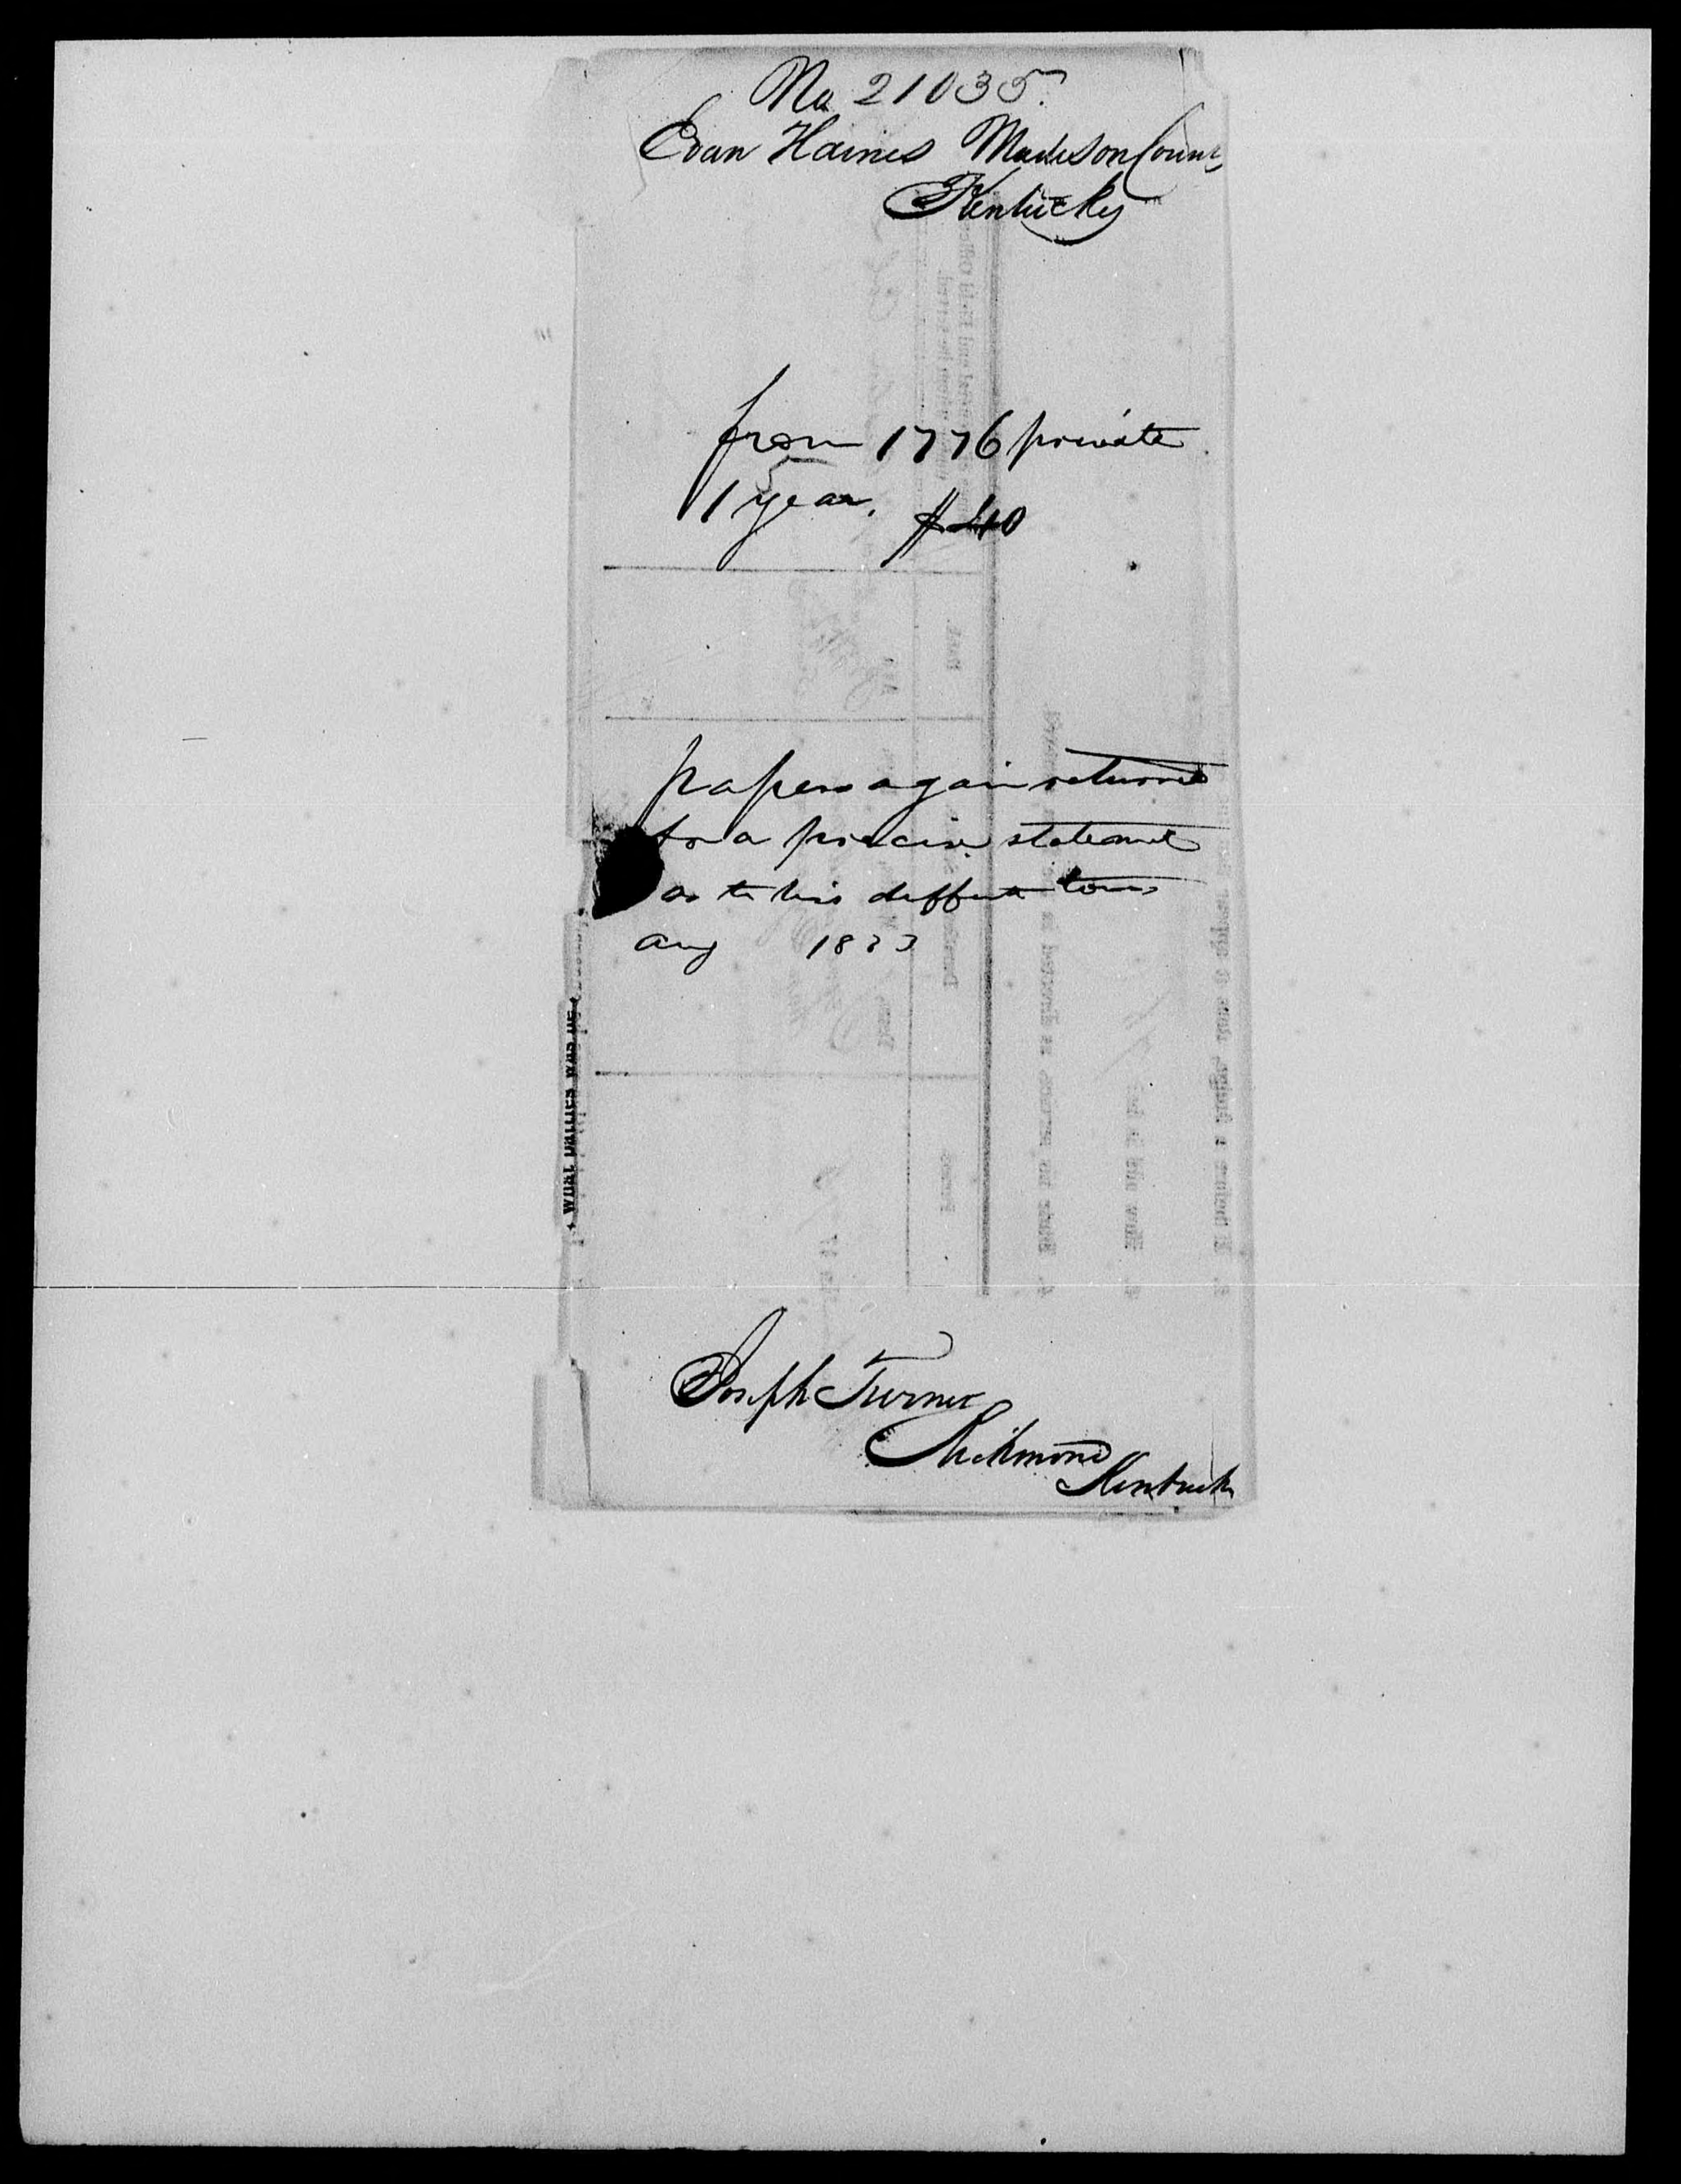No. 21035

Evan Haines Madison County
Kentucky

From 1776 Private 1 year
(Signature illegible)

papers again 
for a precise statement 
as to his different time any 1833

Joseph Turner
Richmond
Kentucky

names: Joseph Turner, Evan Haines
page: 17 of 34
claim: widow's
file: W. 8897, Evan Haines, Ga